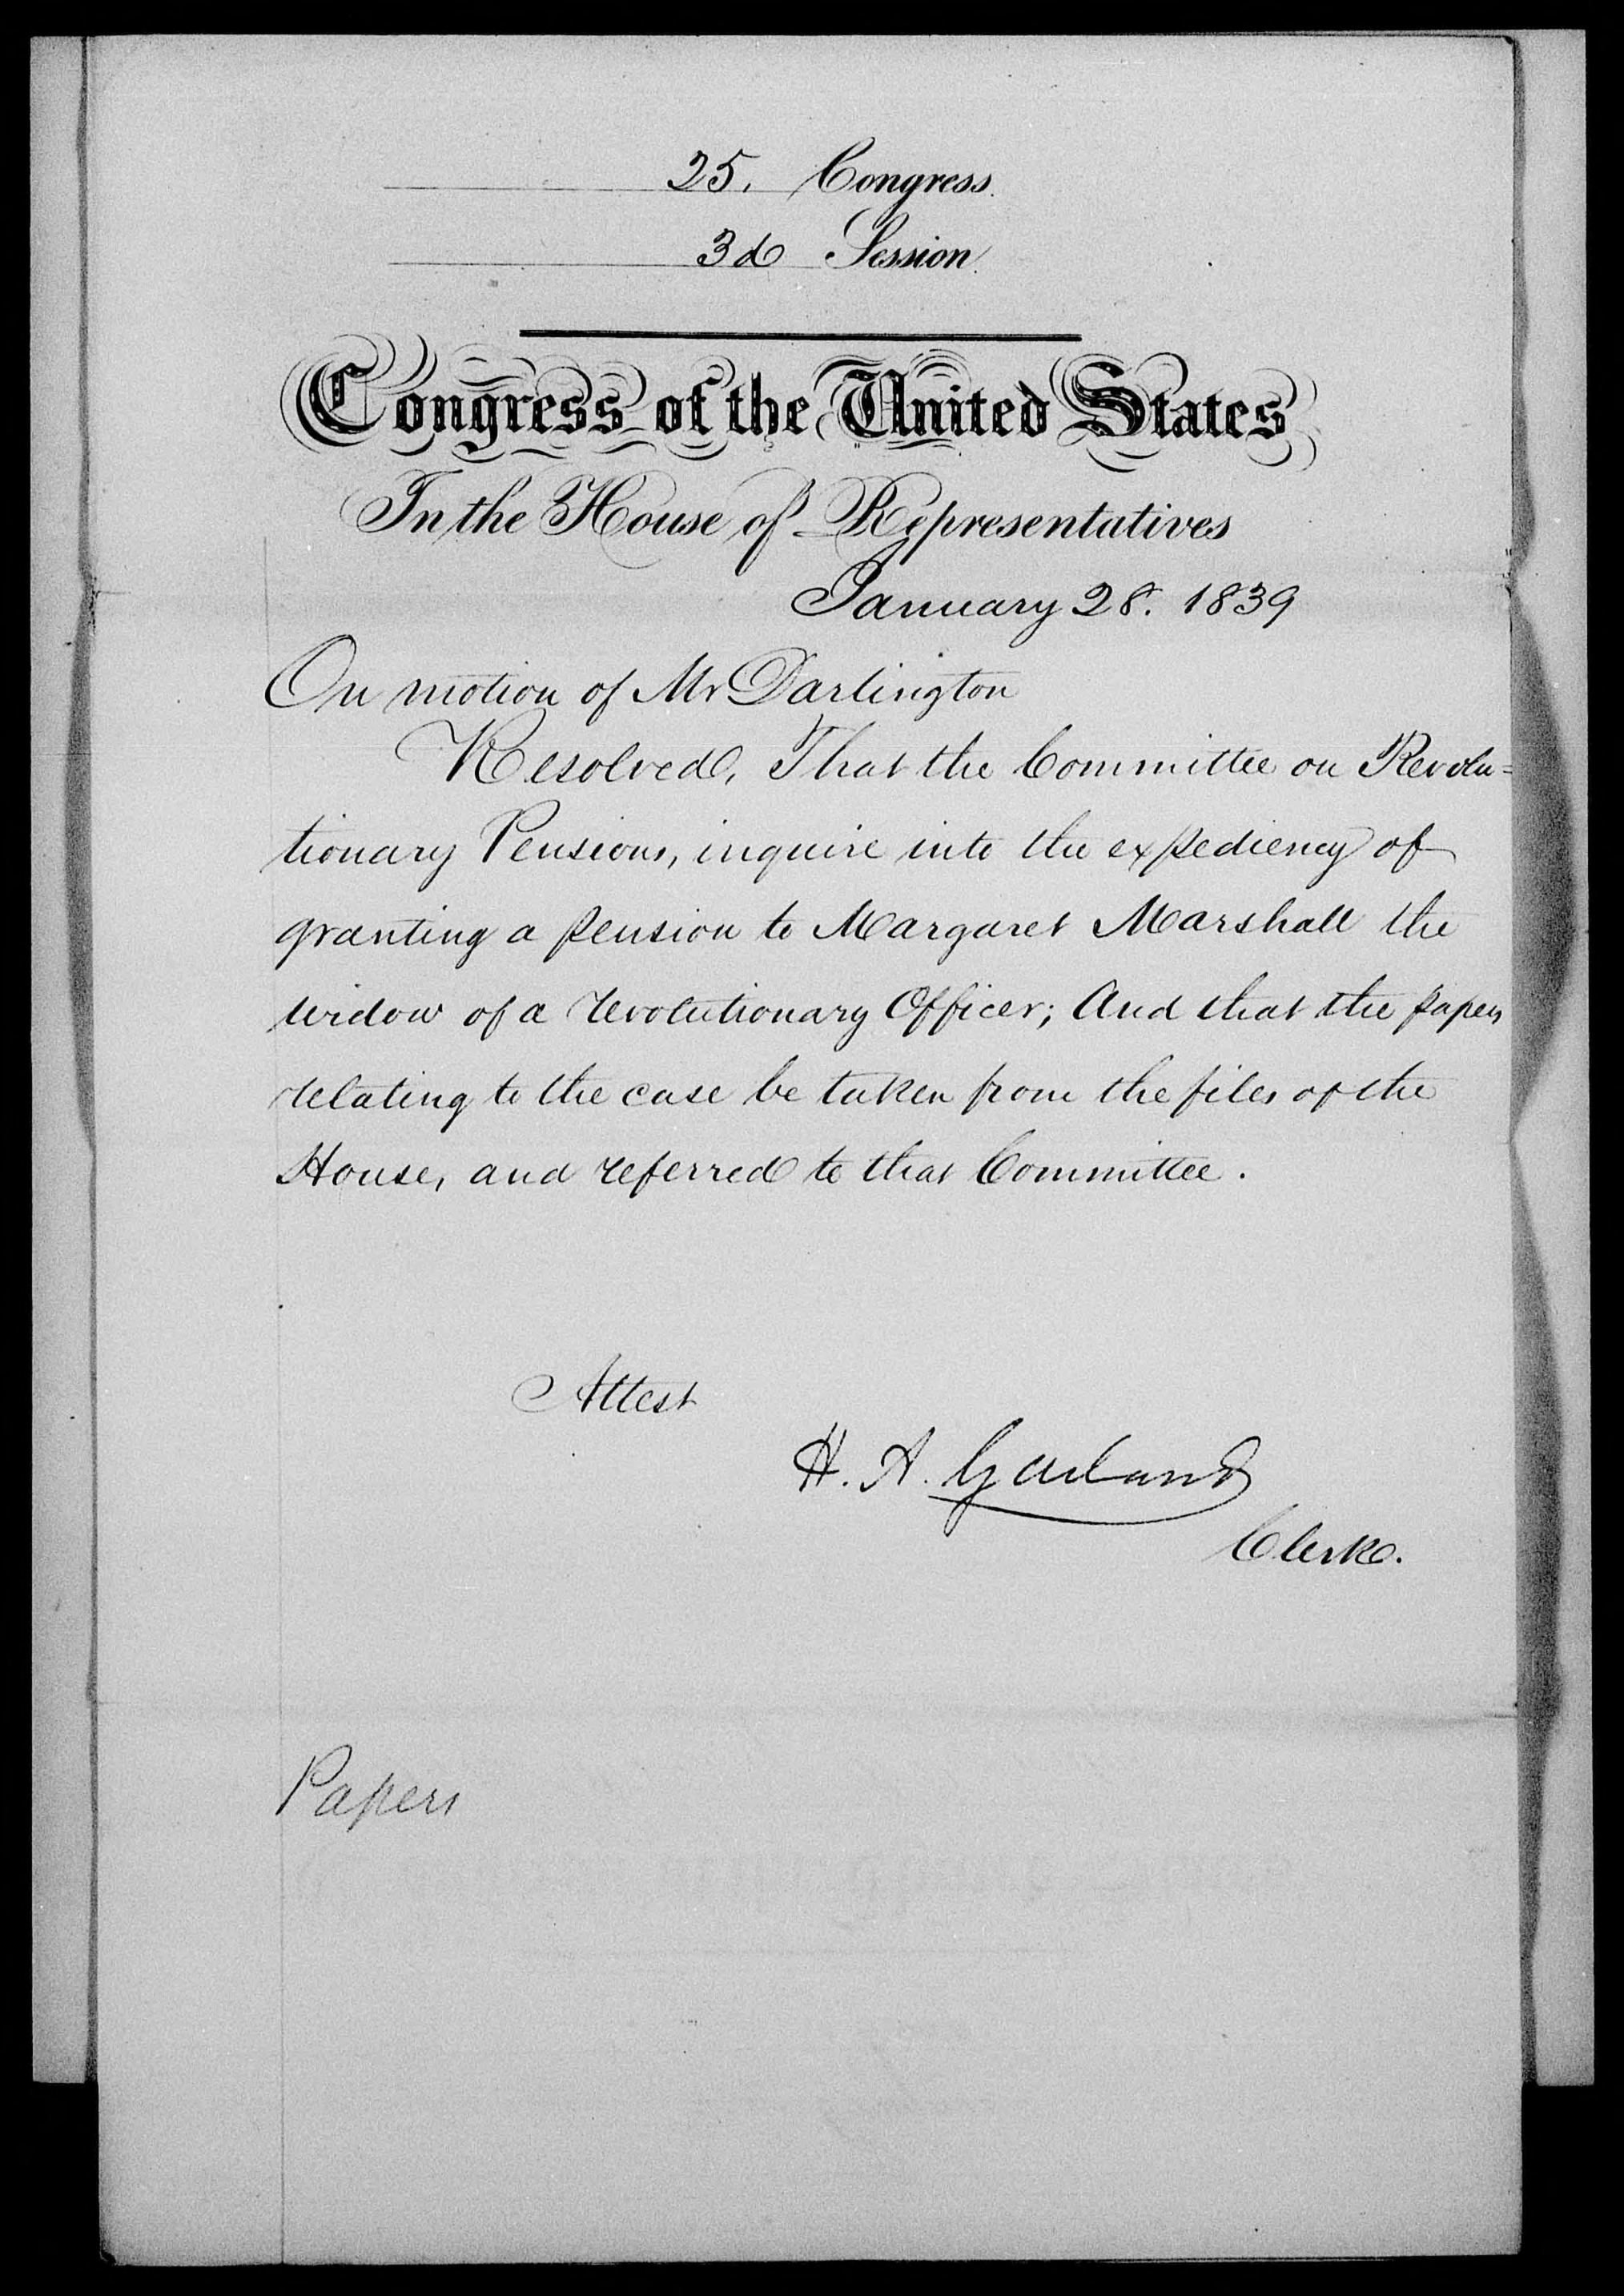25 Congress
3d Session

Congress of the United States
In the House of Representatives
January 28. 1839

On motion of Mr. Darlington

Resolved, That the Committee on Revolutionary Pensions, inquire into the expediency of granting a pension to Margaret Marshall the widow of a Revolutionary Officer; And that the papers relating to the case be taken from the files of the House, and referred to that Committee.

Attest

H.A. Garland
Clerke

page: 50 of 86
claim: widow's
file: W. 3571, for David Marshall, Pennsylvania